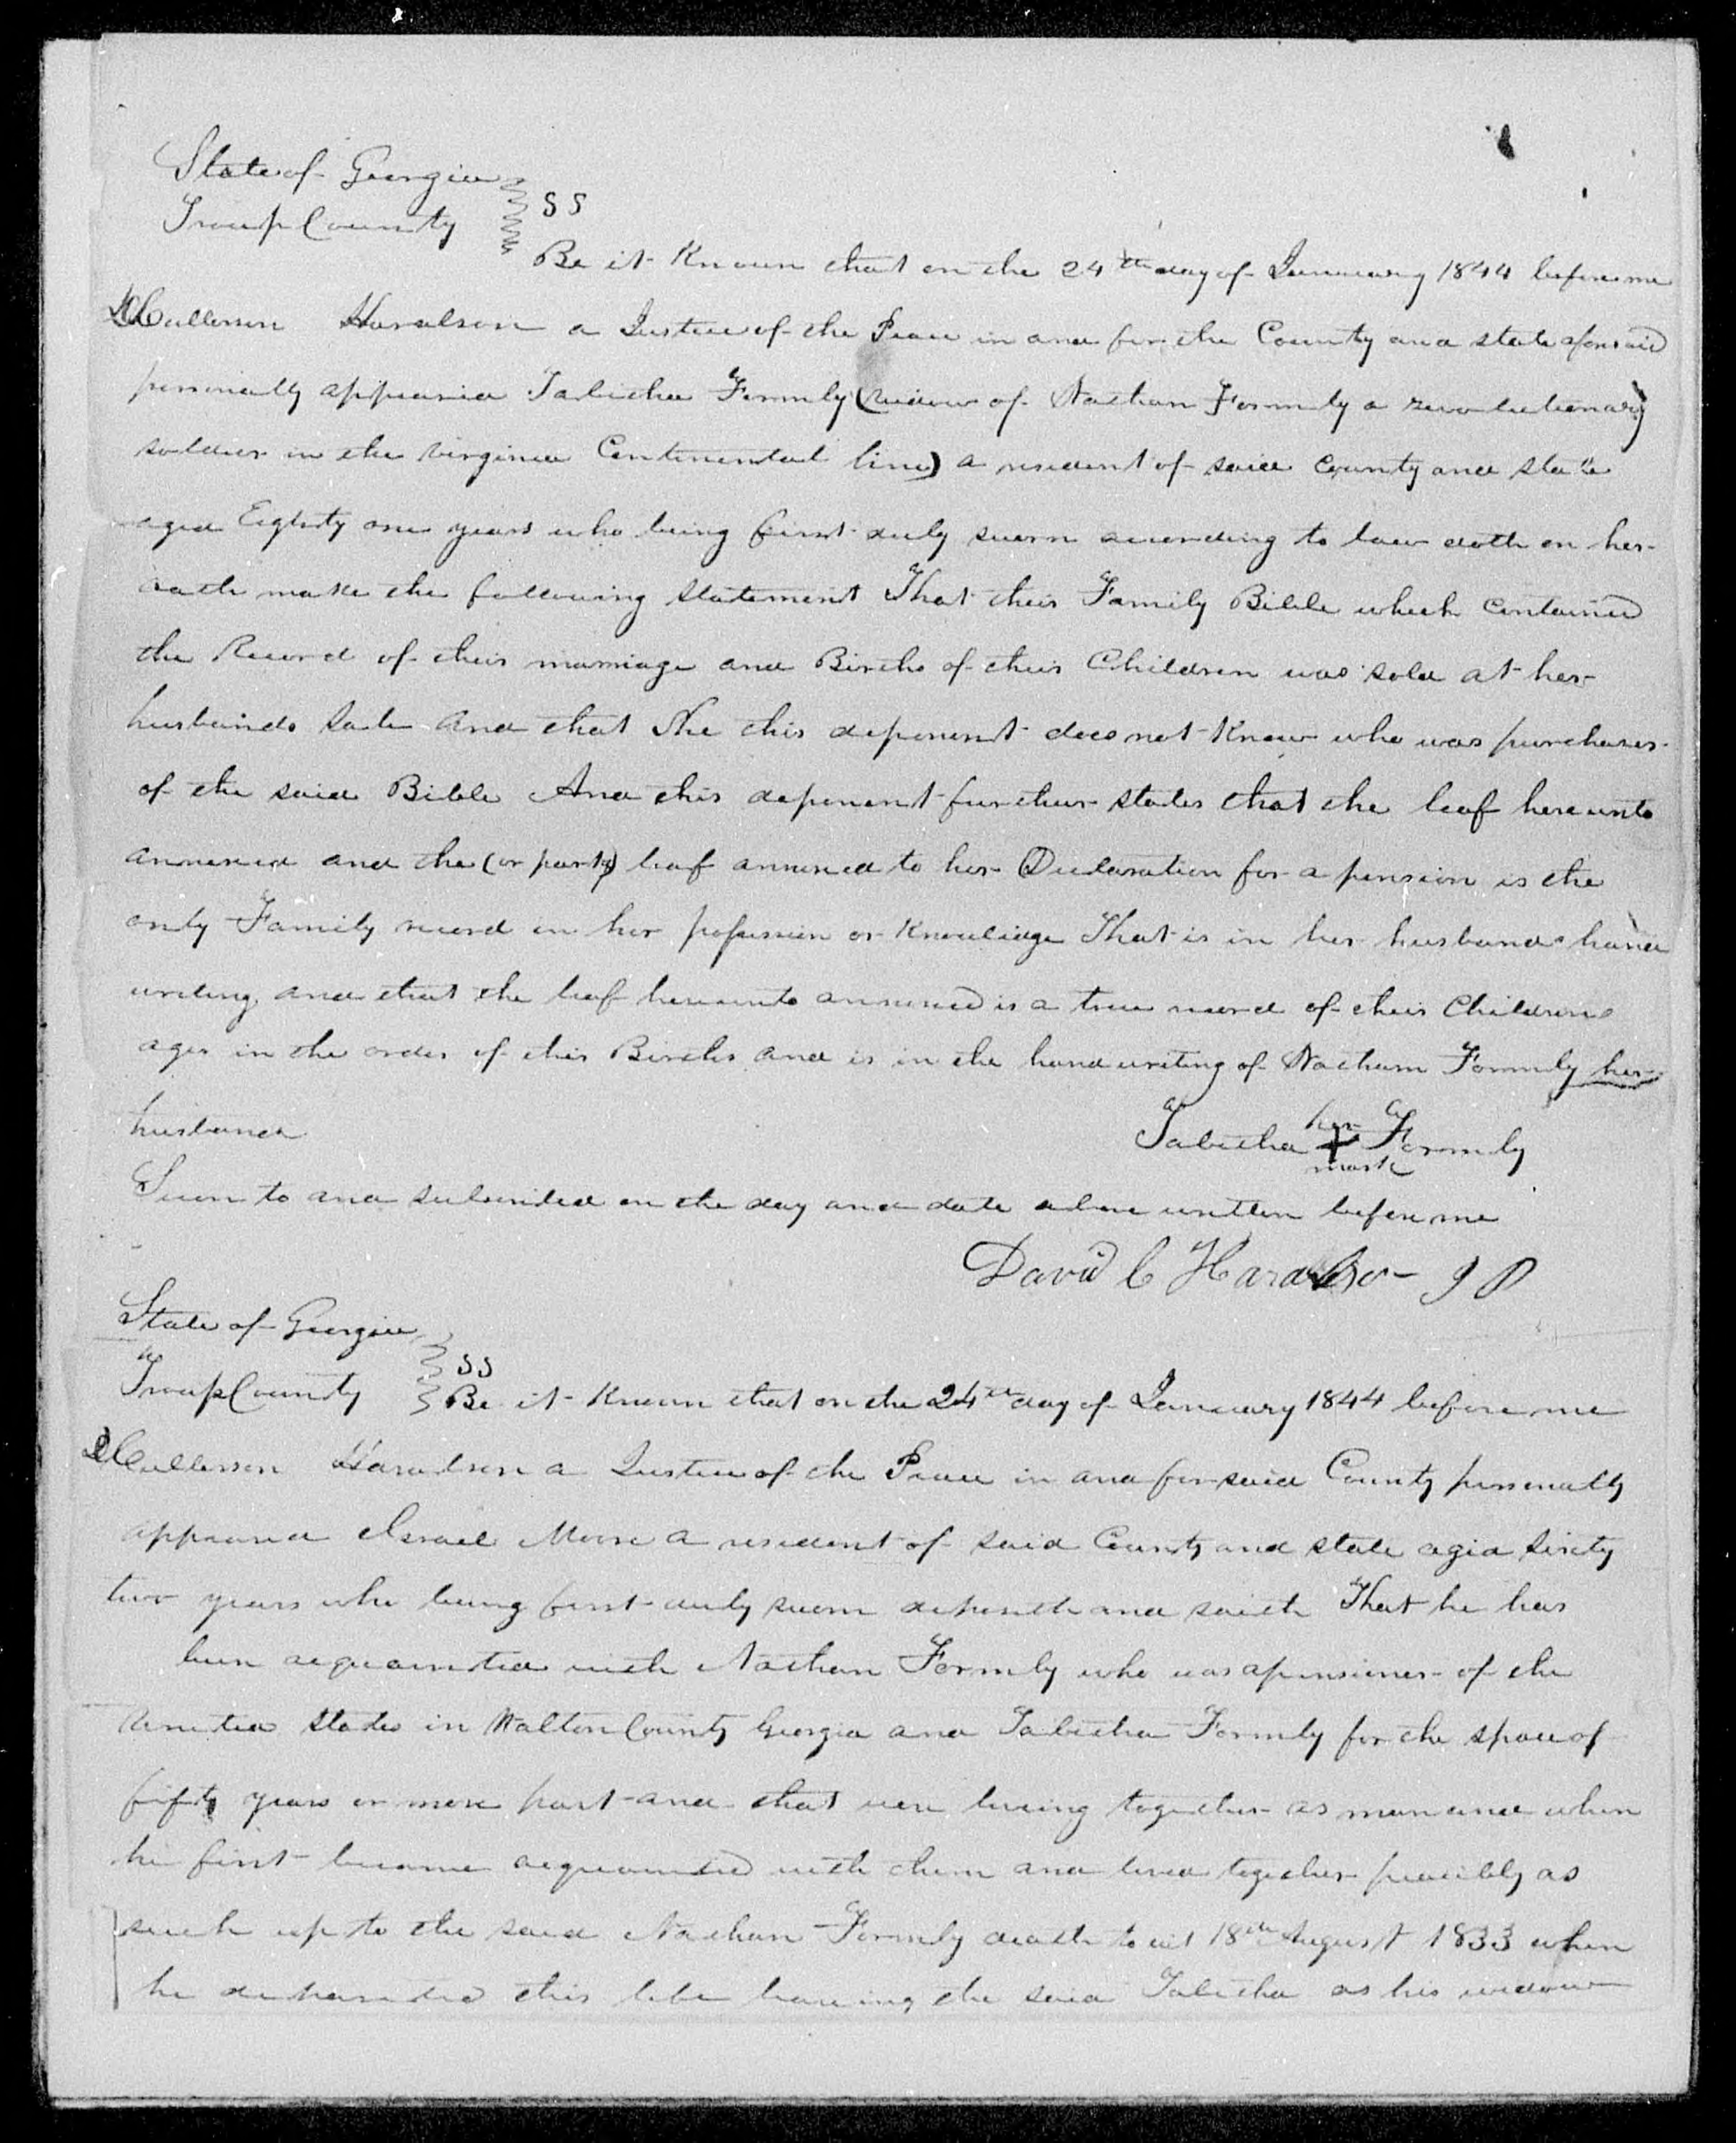State of Georgia }
Troup County } SS
Be it known that on the 24th day of January 1844 before me D Cullerson Haralson a Justice of the Peace in and for the County and State aforesaid personally appeared Tabitha Formly (widow of Nathan Formly a revolutionary soldier in the Virginia Continental line) a resident of said County and State aged Eighty one years who being first duly sworn according to law doth on her oath make the following statement That their Family Bible which contained the Record of their marriage and Births of their Children was sold at her husband sale and that she this deponent does not know who was purchaser of the said Bible And this deponent further states that the leaf hereunto annexed and the (or party) of annexed to her Declaration for a pension is the only Family record in her possession or knowledge That is in her husbands hand writing and that the leaf hereunto annexed is a true record of their Childrens age in the order of their Births and is in the hand writing of Natham [Nathan] Formby her husband
Tabitha Formby
her X mark

Sworn to and subscribed on the day and date above written before me
State of Georgia
David C Haralson JP

State of Georgia }
Troup County } SS
Be it known that on the 24th day of January 1844 before me D Cullerson Haralson a Justice of the Peace in and for said County personally appeared Israel Moore a resident of said County and state aged sixty two years who being first duly sworn deposeth and saith That he has been acquainted with Nathan Formby who was a pensioner of the United States in Walton County Georgia and Tabitha Formby for the space of fifty years or more part and that were being together as man and when he first became acquainted with them and lived together peacebly as such up to the said Nathan Formby death to wit 18th August 1833 when he departed this life having the said Tabitha as his widow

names: Nathan Formsby, Nathan Formsby, Tabitha, D Cullerson Haralson, Tabitha Formby, Nathan Formby, Tabitha Formsby, David C Haralson, D Cullerson Haralson, Tabitha Formby, Nathan Formby, Israel Moore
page: 15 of 54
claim: widow's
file: W. 3794, Nathan Formby, Va.